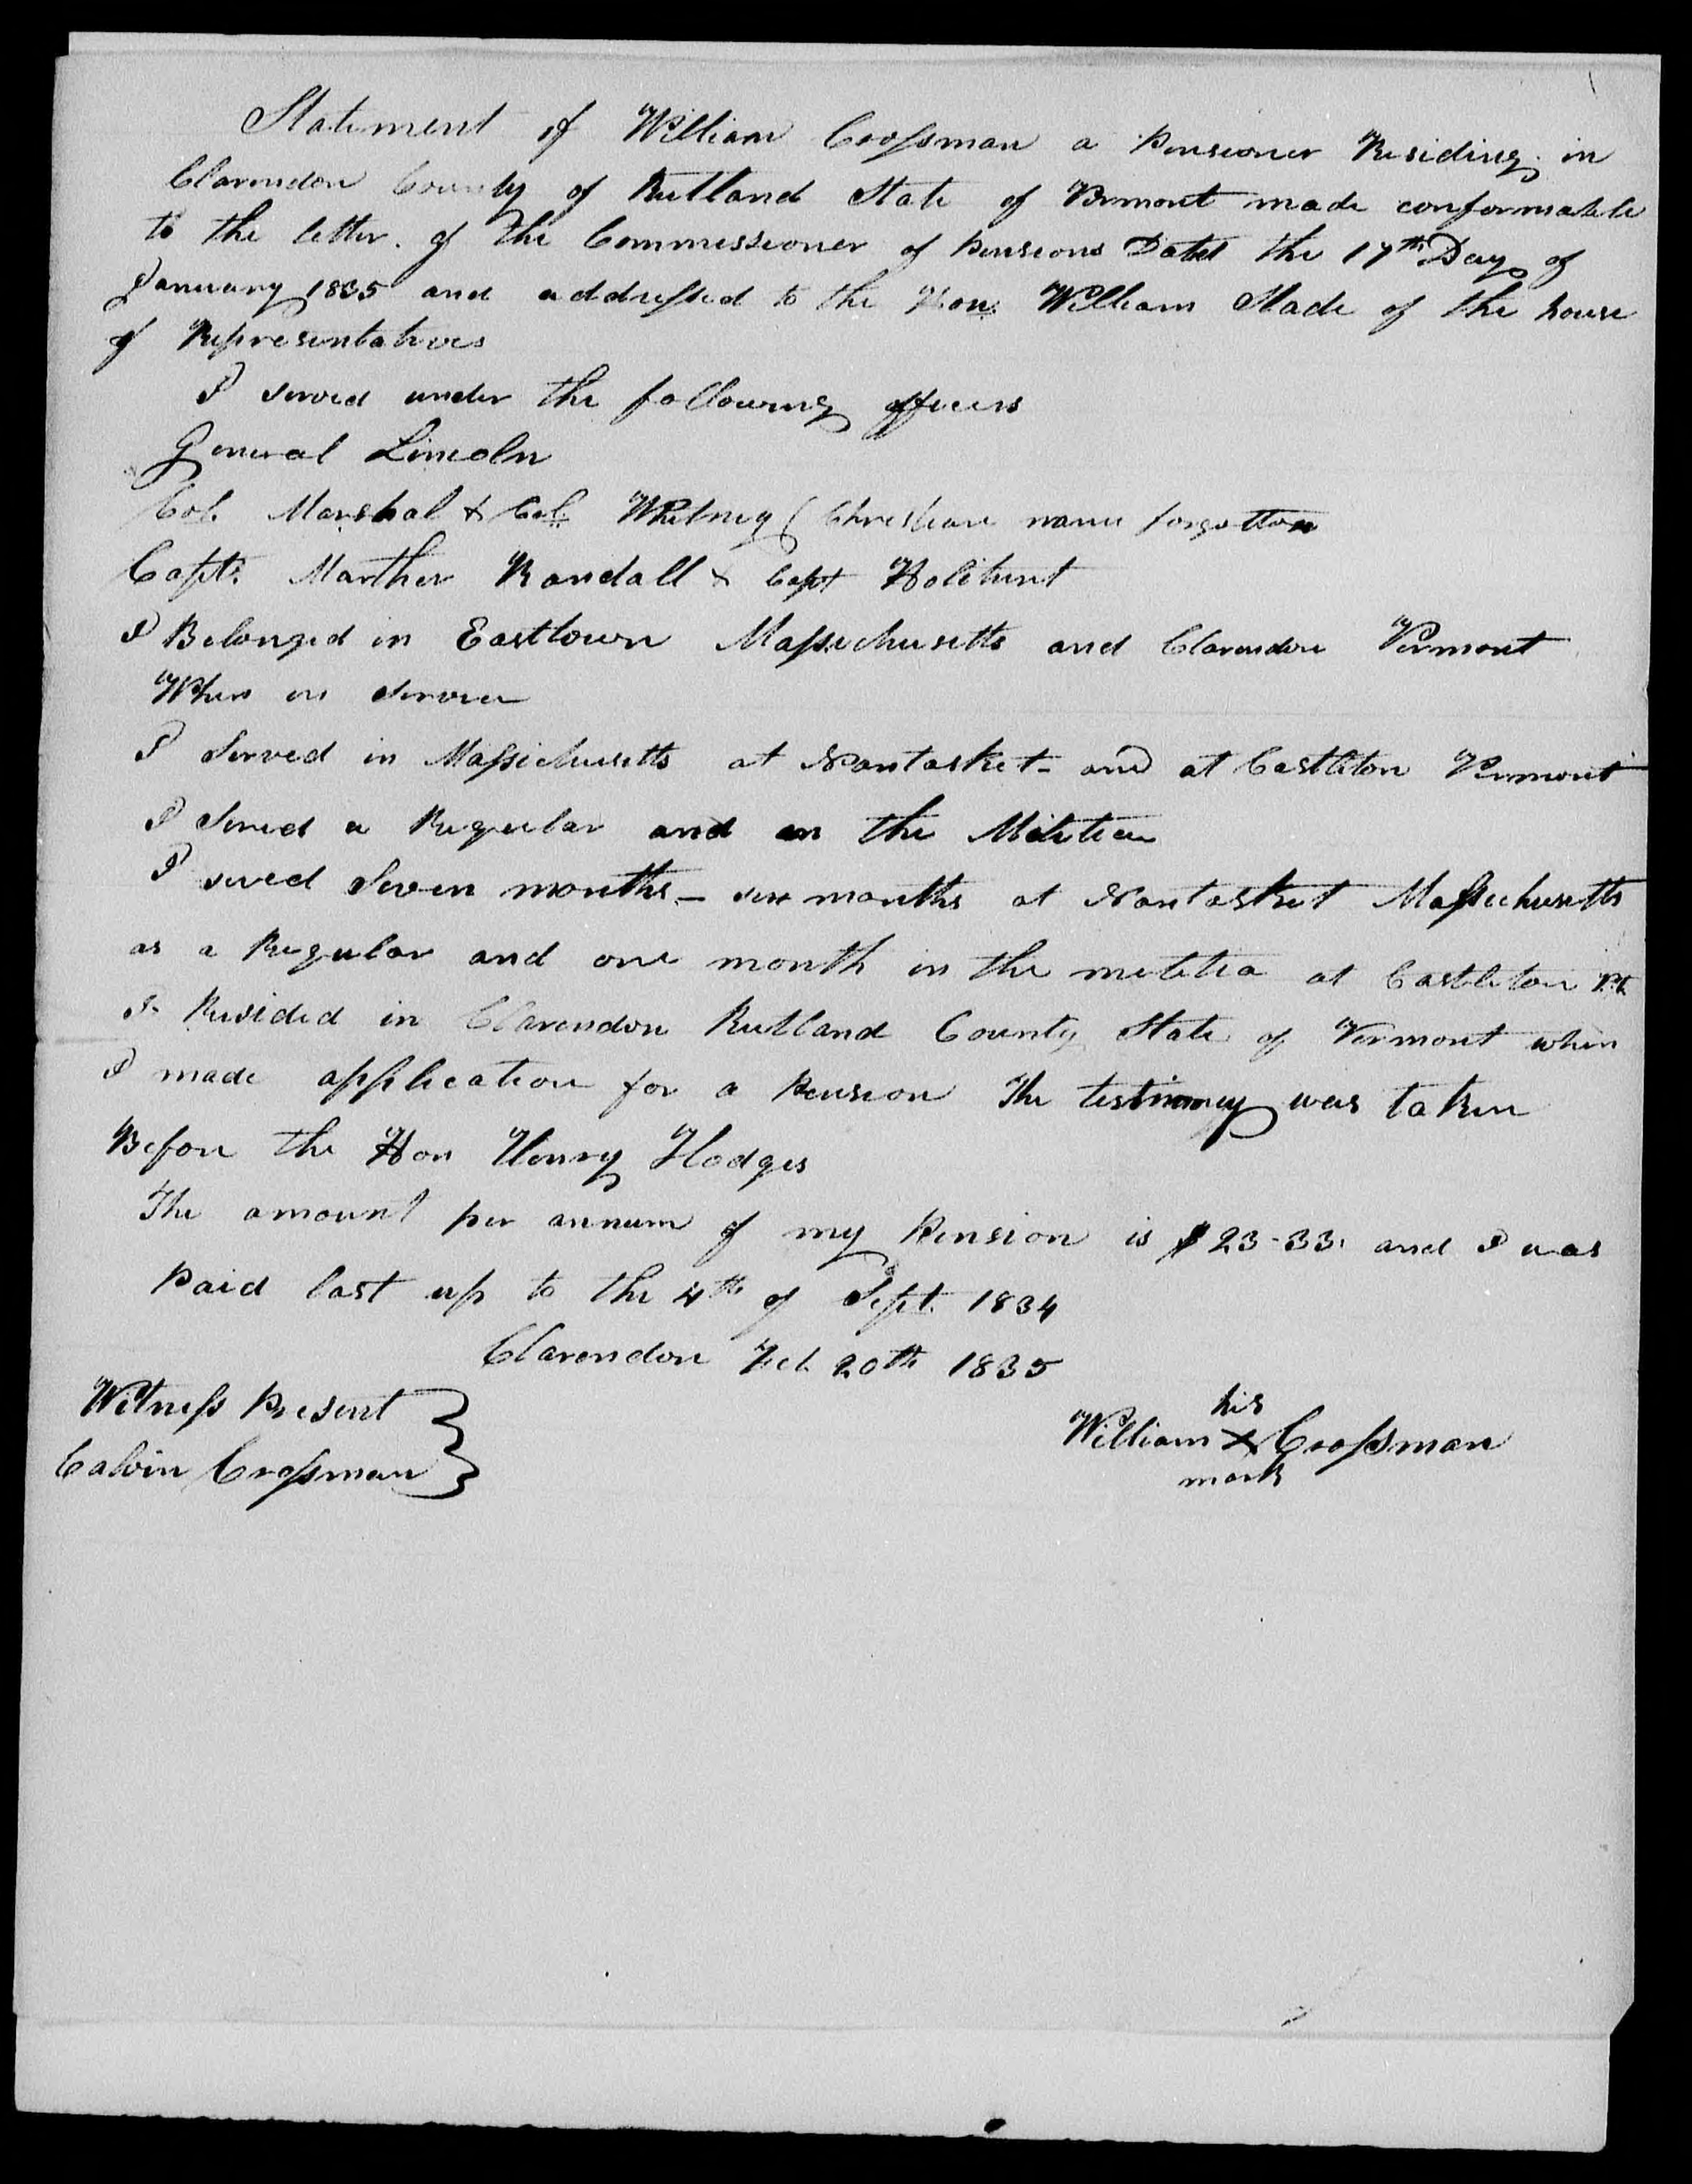Statement off William Crossman a Pensioner Residing in Clarendon County of Rutland State of Vermont made conformable to the letter of the Commissioner of Pensions Dated the 17th Day of January 1835 and addressed to the Hon. William Slade of the house of Representatives
I served under the following officers
General Lincoln
Col. Marshal + Col Whitney & Christian name forgotten
Capt. Matthew Randall + Capt Holitunt(?)
I Belonged in Easttown Massachusetts and Clarendon Vermont When in Service
I Served in Massachusetts at Nantasket and at Castleton Vermont
I Served as Regular and in the Militia
I served Seven months - six months at Nantasket Massachusetts as a Regular and one month in the militia at Castleton & I Resided in Clarendon Rutland County State of Vermont when I made application for a pension The testimony was taken Before the Hon Henry Hodges
The amount per annum of my Pension is $23.33. and I was Paid last up to the 4th of Sept. 1834
Clarendon Feb 20th 1835
/s/X his mark William Crossman
Witness Present Calvin Crossman}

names: William Slade, William Crossman, Henry Hodges, Lincoln, Holitunt, Calvin Crossman, Marshal, Marther Randall, William Crossman, Whitney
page: 15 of 33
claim: survivor's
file: S. 12632, William Crossman, Mass. Vt.